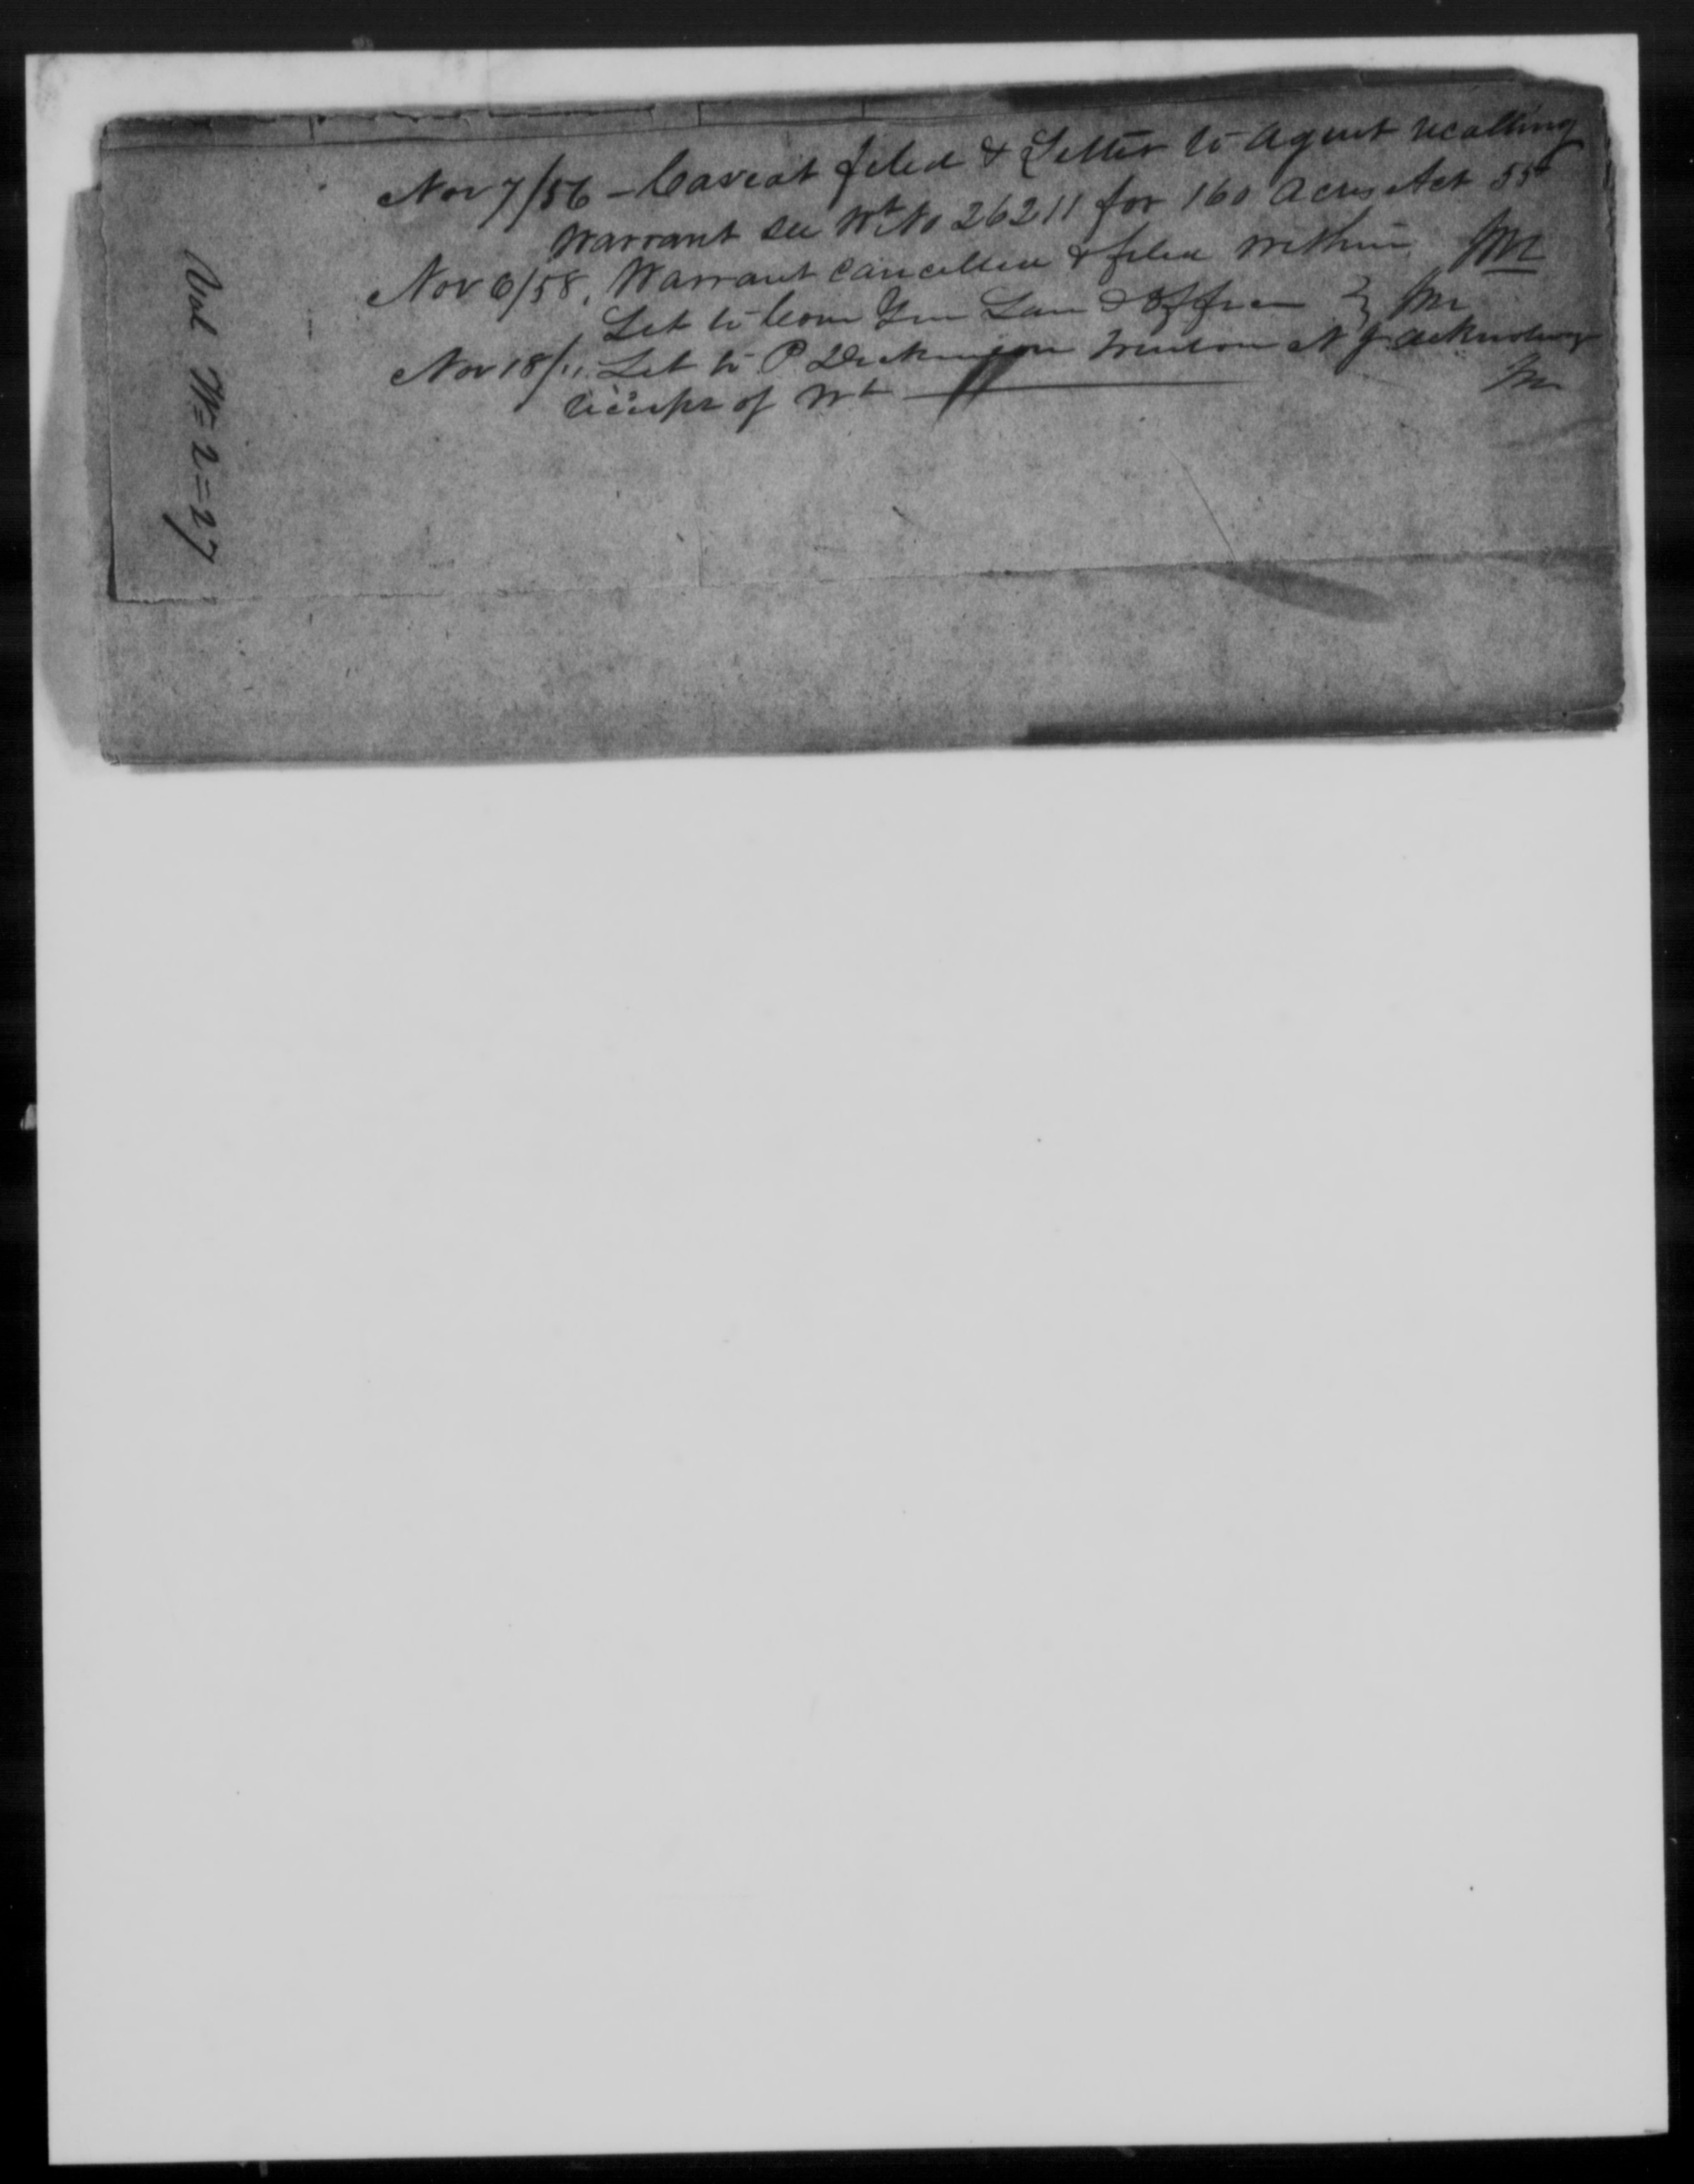Nov. 7/'56 - Caveat filed & letter (sent) to agent recalling warrant. See War(rant) No. 26,211 for 160 acres; Act '55. J.M.R.
Nov. 6/'58 - Warrant cancelled & filed within. Let(ter sent) to Comm(issioner) [illegible] Land Officer. J.M.R.
Nov. 18/'58 - Let(ter sent) to P. Dickinson, Trenton, N.J. acknowledging receipt of war(rant). J.M.R.

Vol. Wt. 2 = 27.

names: Agust Mallory, P Dickinson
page: 61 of 67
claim: widow's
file: W. 2393, Jacob Williamson, New Jersey